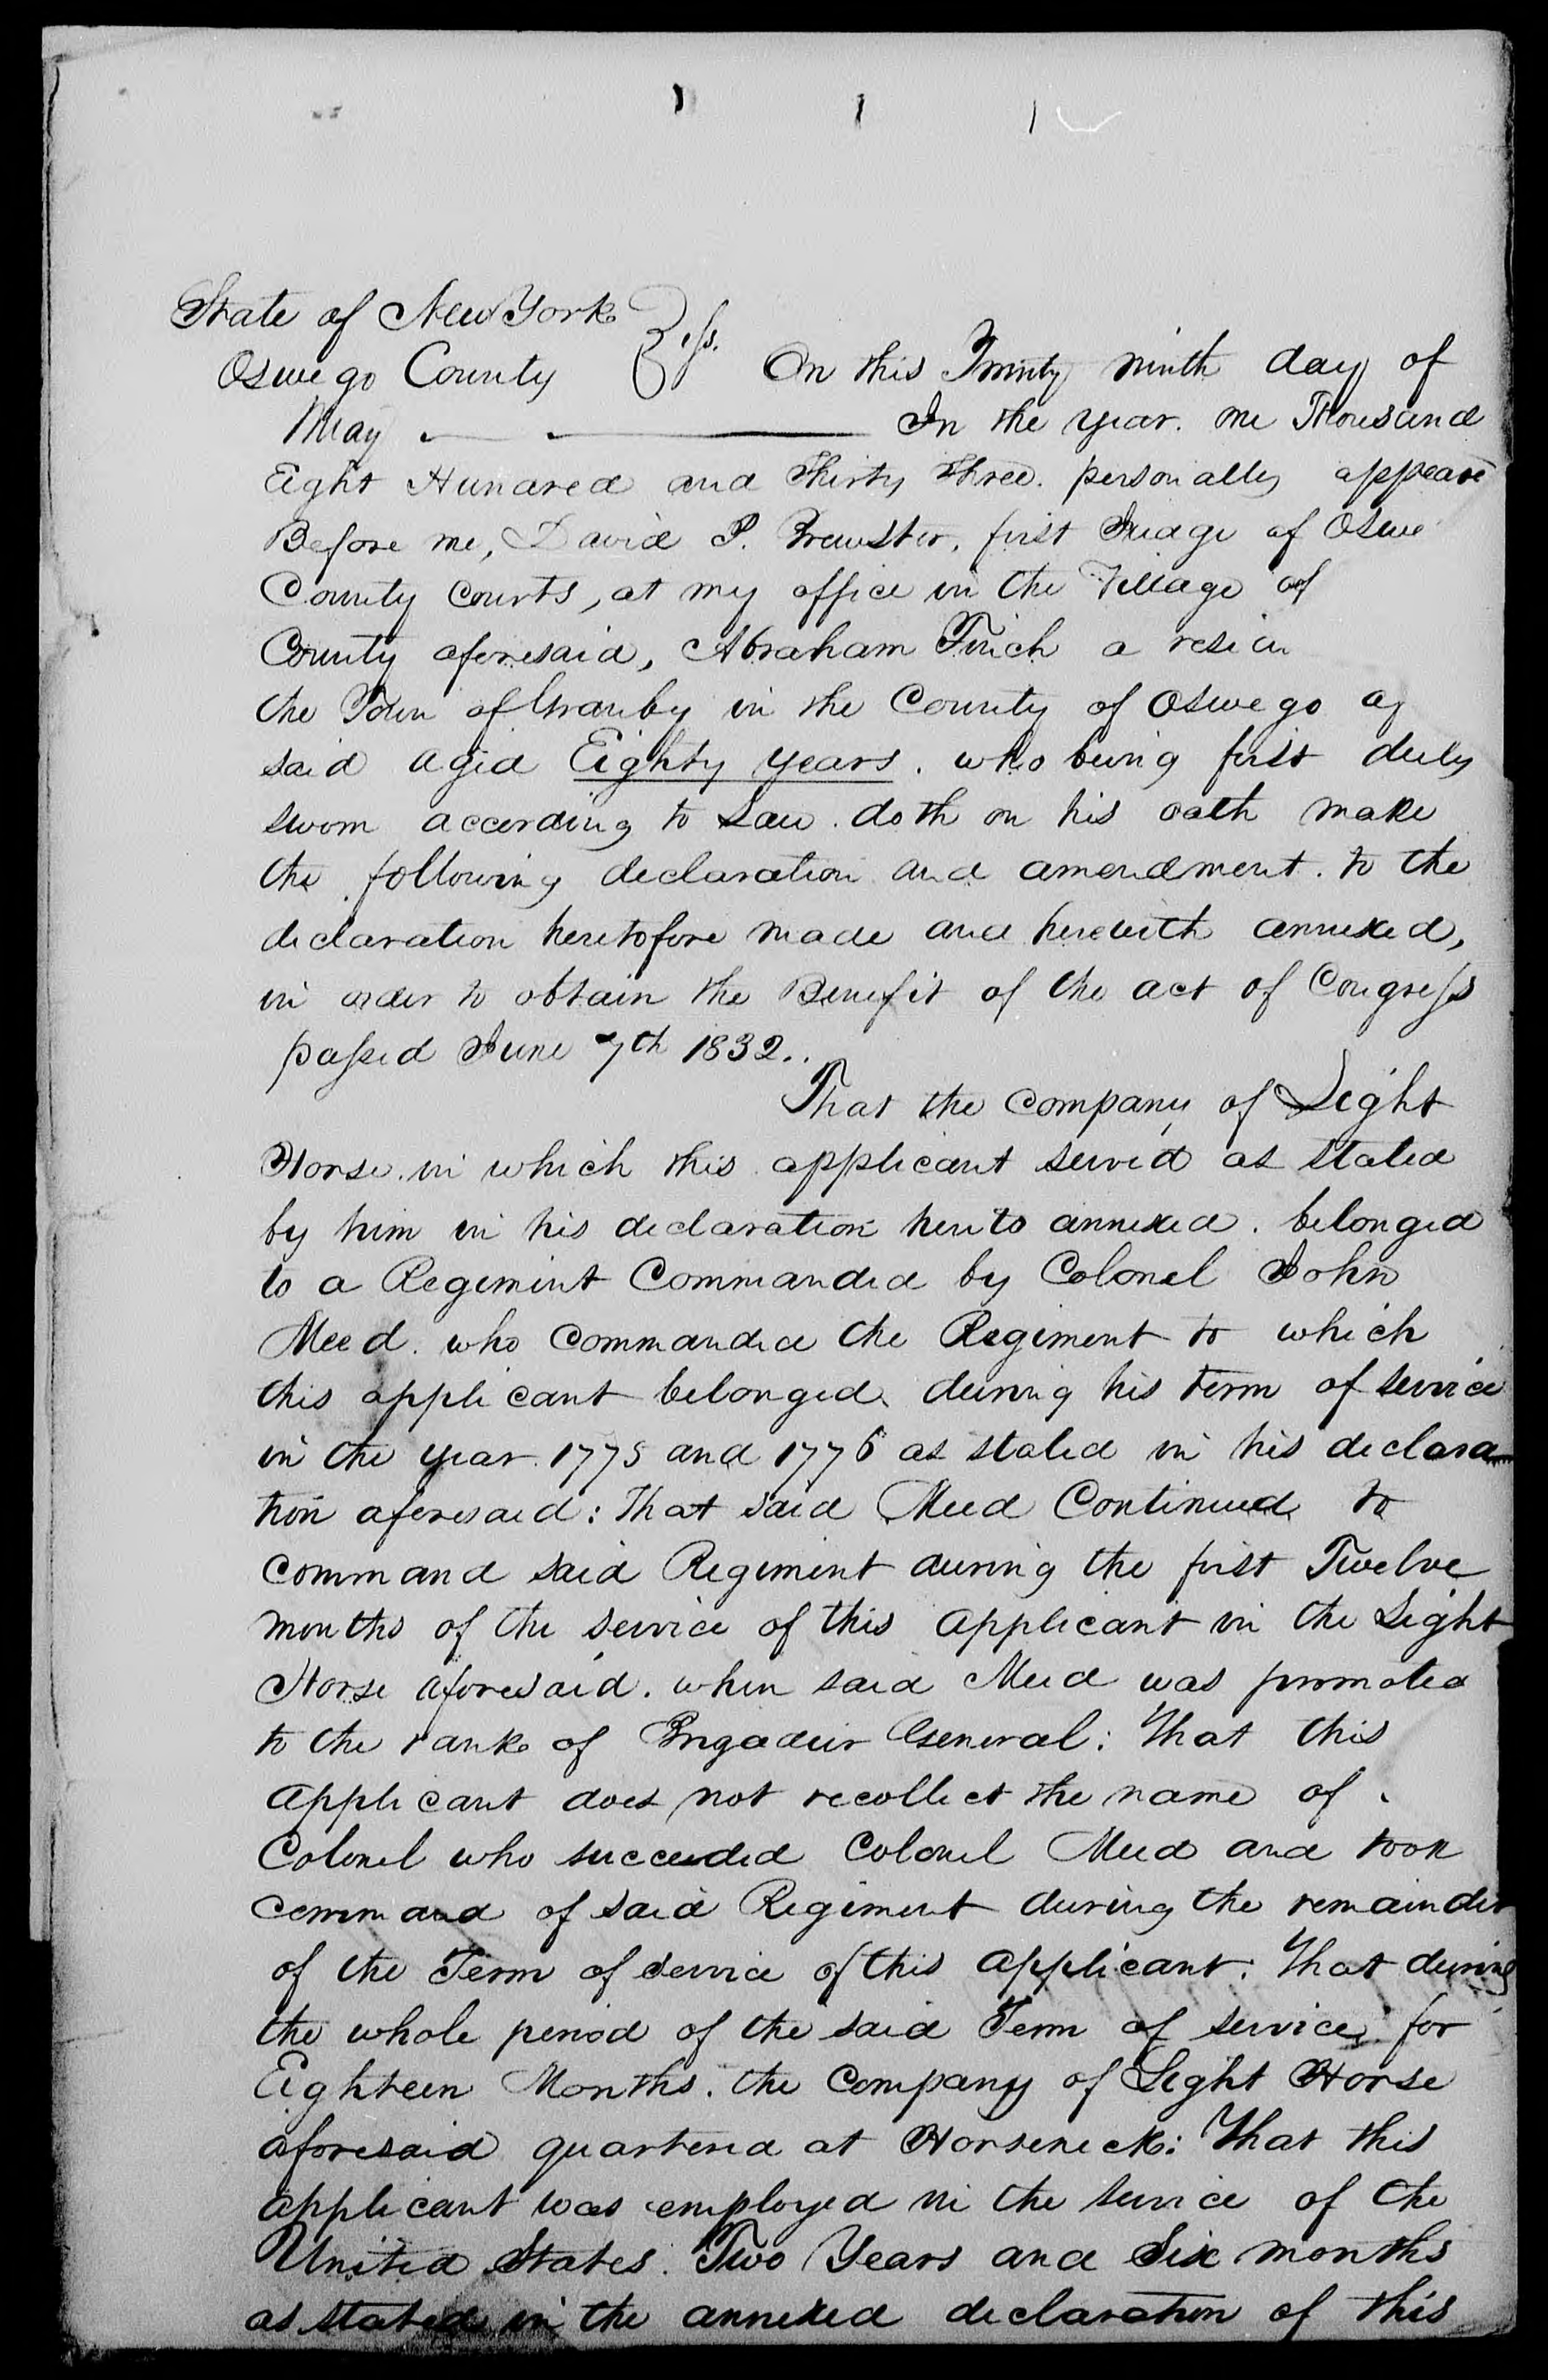State of New York |
Oswego County |
ss
On this Twenty ninth day of May _______ In the year one Thousand Eight Hundred and Thirty Three personally appeared Before me, David P. Brewster, first Judge of Oswego County Courts, at my office in the Village of County aforesaid, Abraham Finch a resident of the Town [ill] in the County of Oswego of said aged Eighty years, who being first duly sworn according to Law doth on his oath make the following declaration and amendment to the declaration heretofore made and herewith annexed, in order to obtain the Benefit of the act of Congress passed June 7th 1832.
That the company of Light Horse in which this applicant served as stated by him in his declaration hereto annexed, belonged to a Regiment commanded by Colonel John Meed who commanded the Regiment to which this applicant belonged during his term of service in the year 1775 and 1776 as stated in his declaration aforesaid: That said Meed Continued to command said Regiment during the first Twelve months of the service of this applicant in the Light Horse aforesaid, when said Meed was promoted to the rank of Brigadier General. That this Applicant does not recollect the name of Colonel who succeeded Colonel Meed and took command of said Regiment during the remainder of the Term of service of this applicant; That during the whole period of the said Term of service for Eighteen Months, the company of Light Horse aforesaid quartered at Horseneck. That this applicant was employed in the service of the United States. Two years and six months as stated in the annexed declaration of this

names: Meed, Meed, Meed, John Meed, David P Brewster, Abraham Finch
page: 20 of 35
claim: survivor's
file: S. 28727, Abraham Finch, Conn.